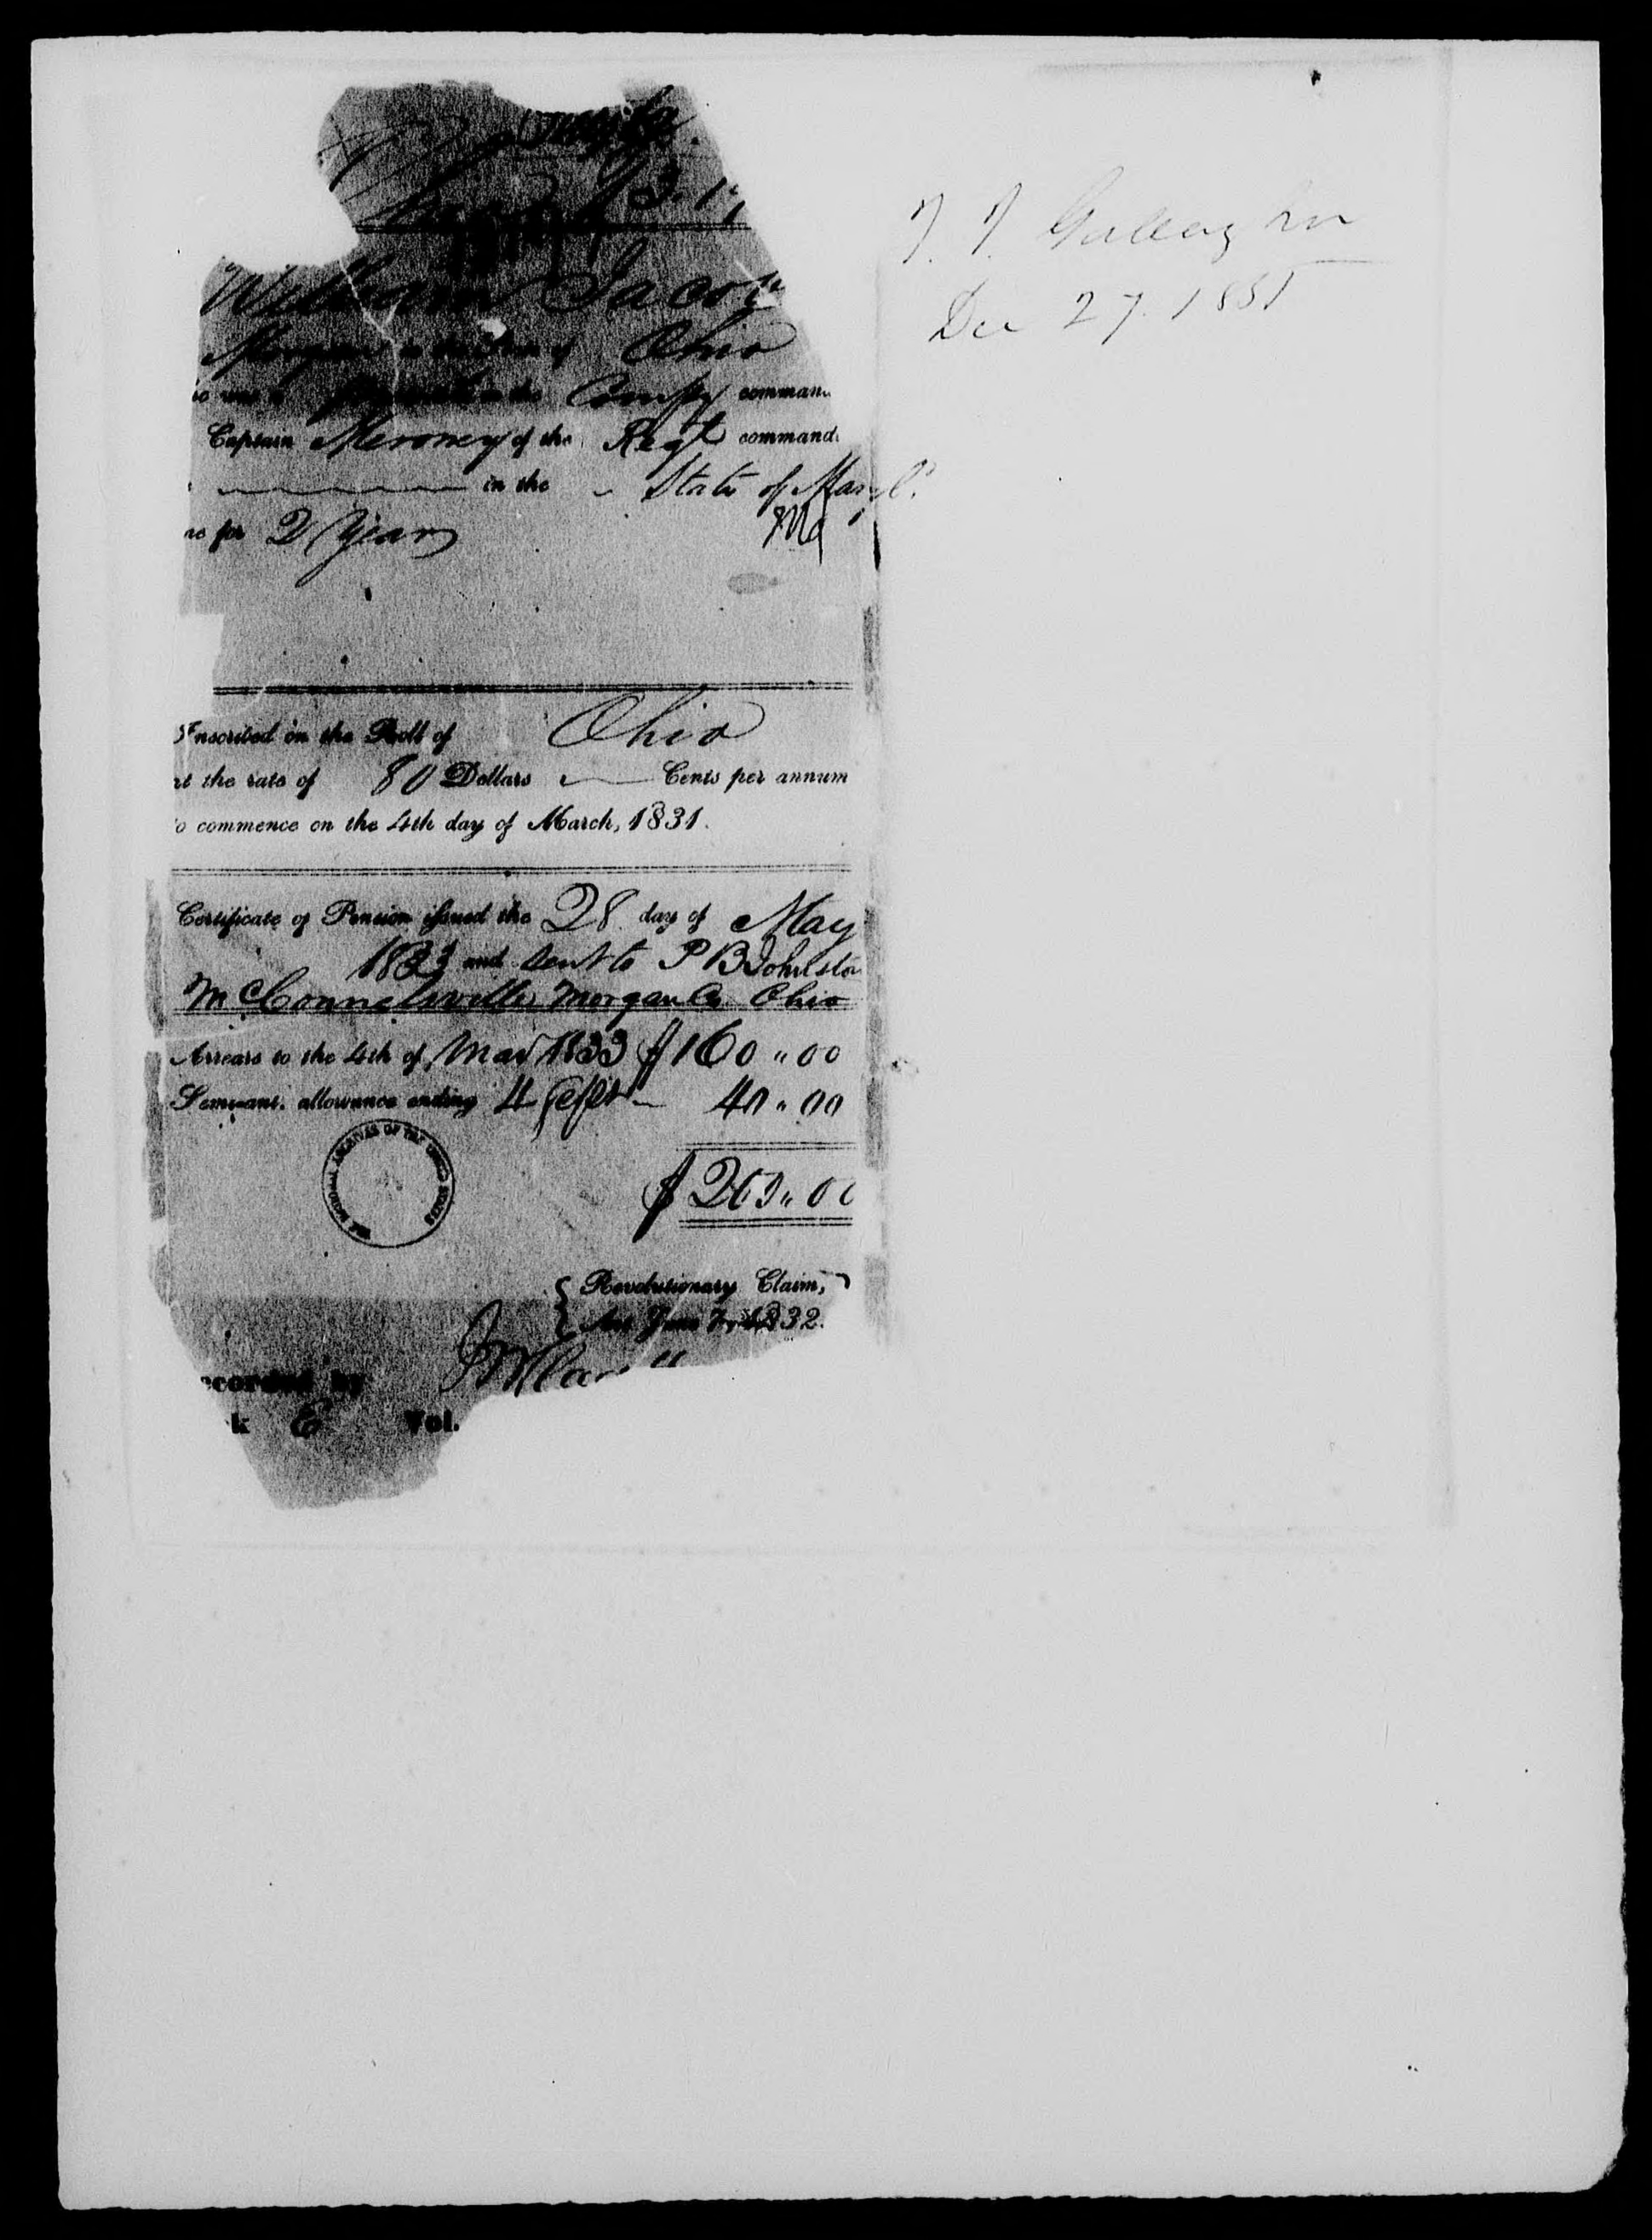T J Gallagher
Dec 27 1851

William Jacobs
Morgan County Ohio
[illegible] Compy Commanded
[by] Captain Maroney of the Regt commanded
[by]---- in the State of Maryld. Md
[?] for 2 Years

Inscribed on the Roll of Ohio
at the rate of 80 Dollars -- Cents per annum
to commence on the 4th day of March, 1831.

Certificate of Pension Ifsued the 28 day of May
1833 and sent to P B Johnston
McConnelsville Morgan Co Ohio

Arrears to the 4th of Mar 1833 $160.00
Semi-anl. allowance ending 4 Sept 40.00
===
[total] $200.00
===
{Revolutionary Claim,
Act June 7 1832.}
Recorded by [illegible]
Book E Vol.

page: 2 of 23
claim: survivor's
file: S. 2289, for William Jacobs, Maryland